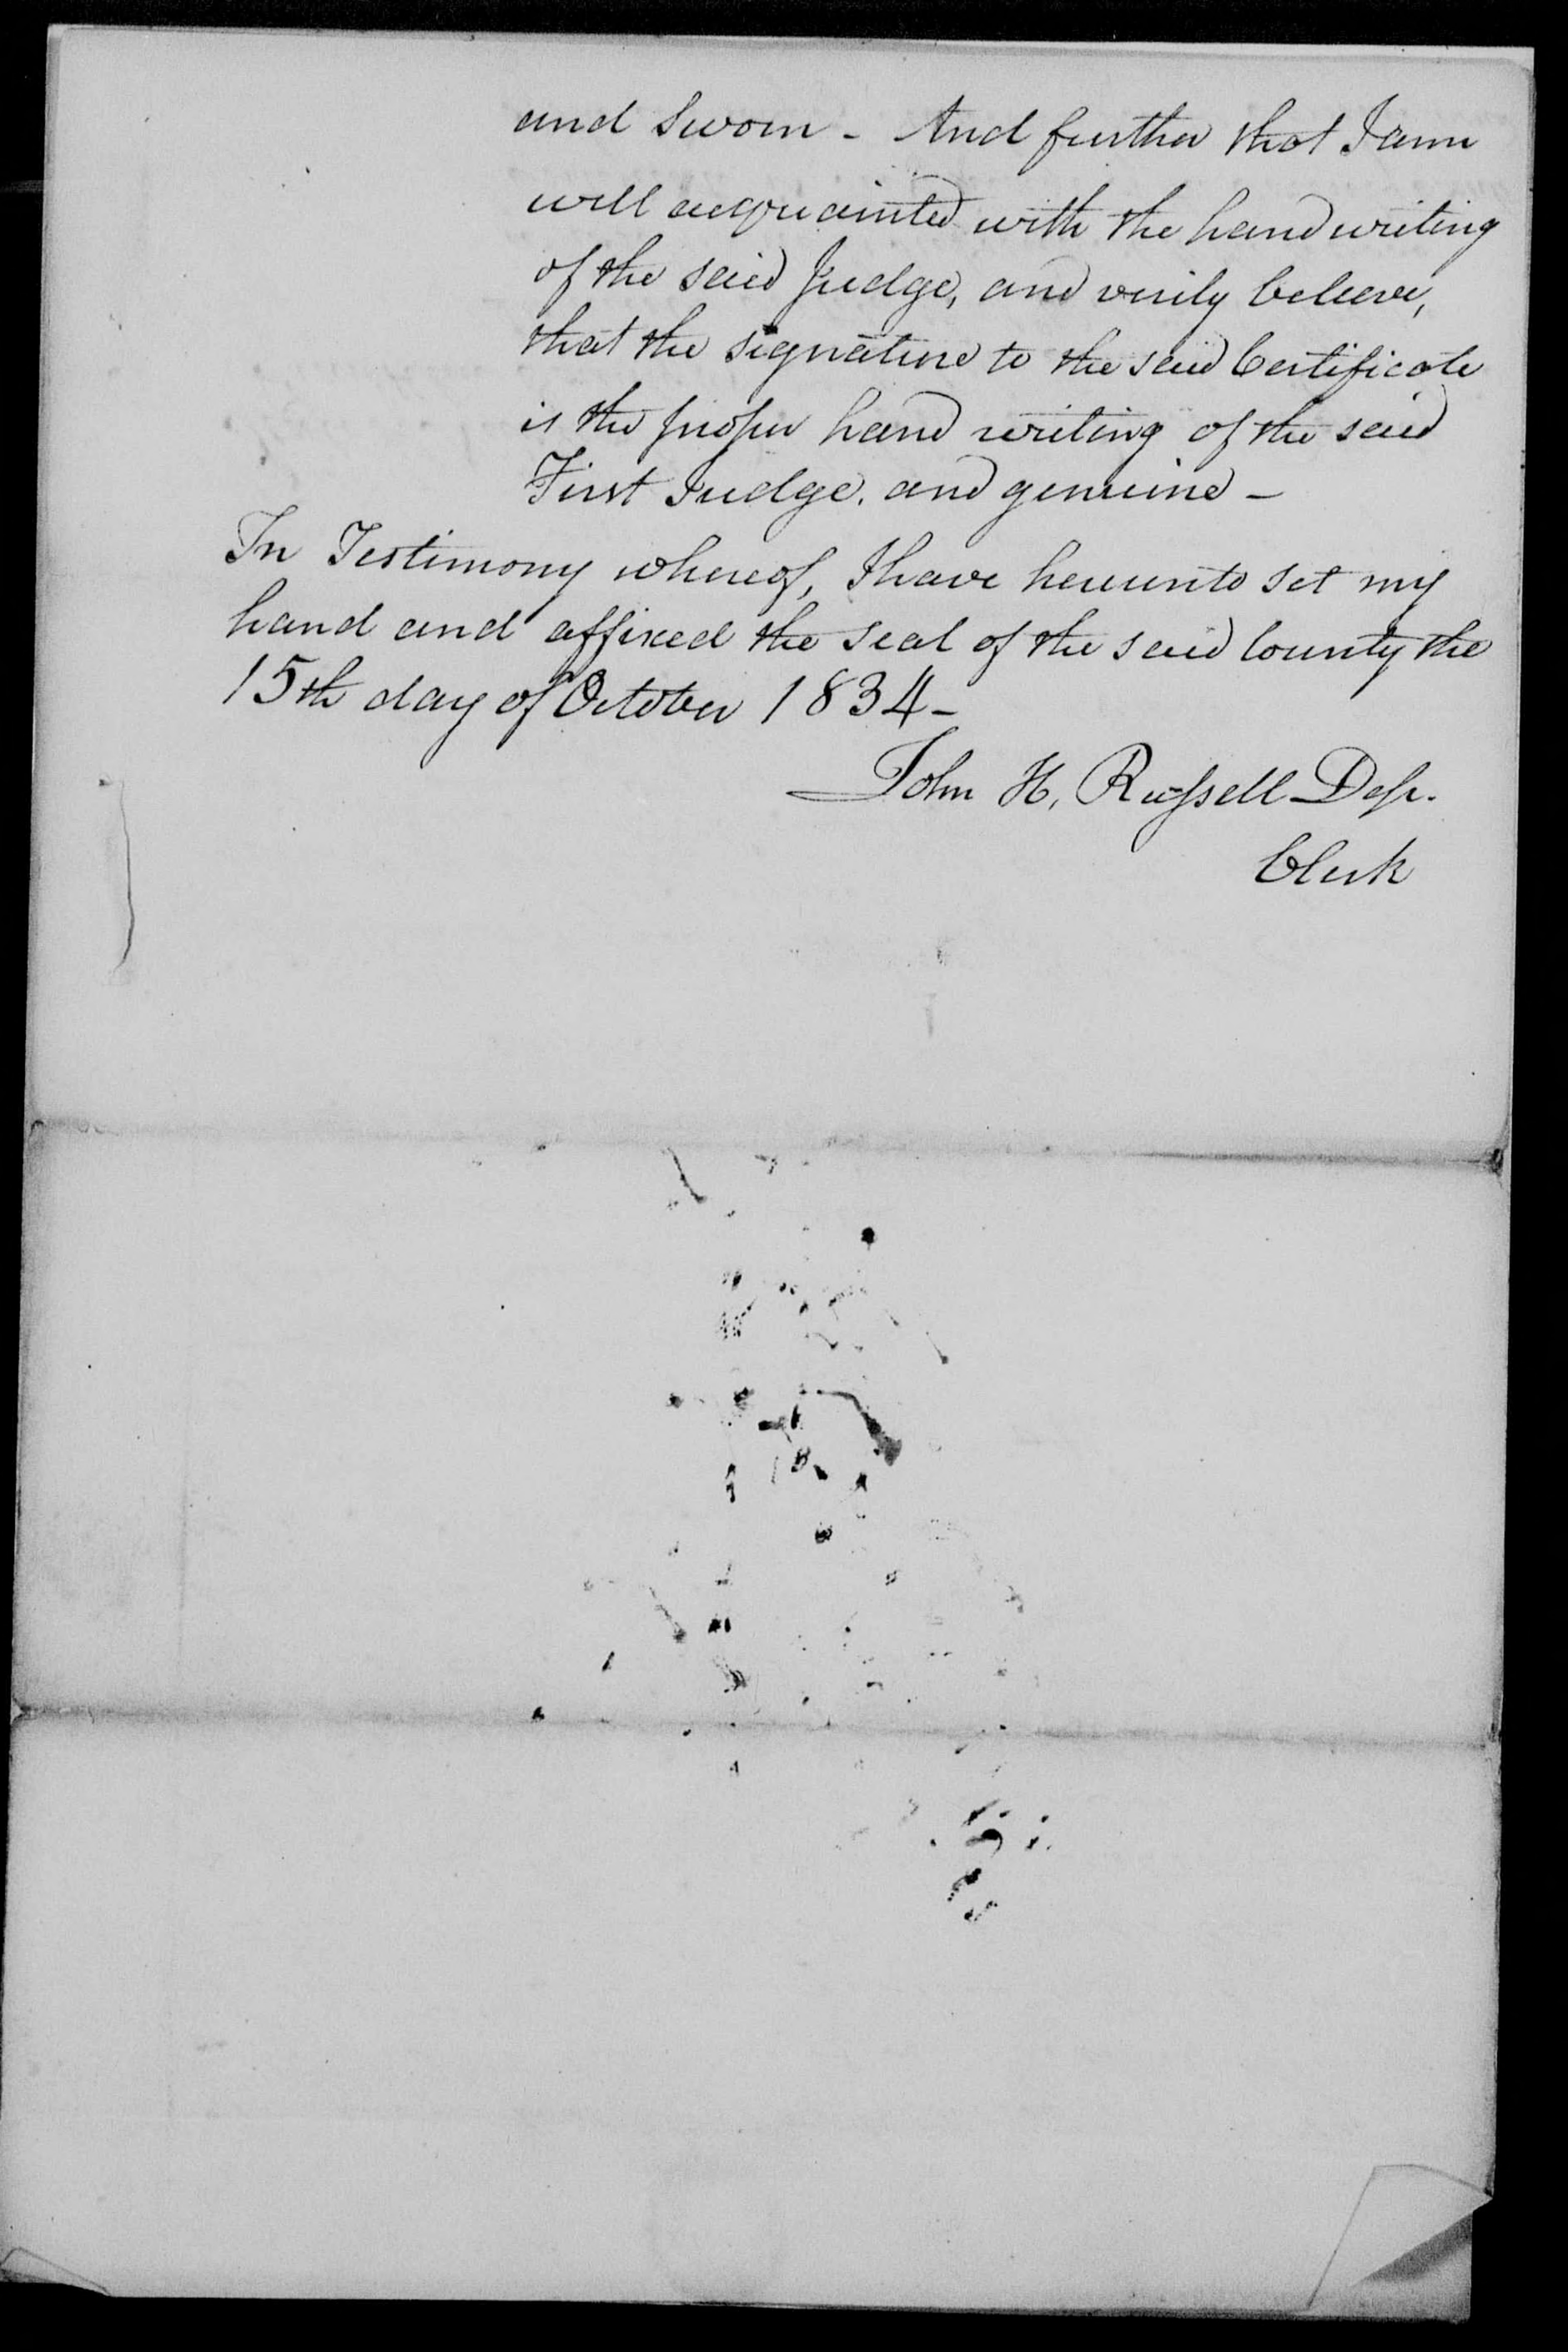and Sworn - And further that I am well acquainted with the hand writing of the said Judge, and verily believe, that the signature to the said Certificate is the proper hand writing of the said First Judge, and genuine-
In Testimony whereof, I have hereunto set my
hand and affixed the seal of the said County the 15th day of October 1834-
    John H. Russell, Deputy Clerk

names: John H Russell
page: 24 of 40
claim: rejected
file: R. 1558, Jonathan Butterfield, Mass. Vt.